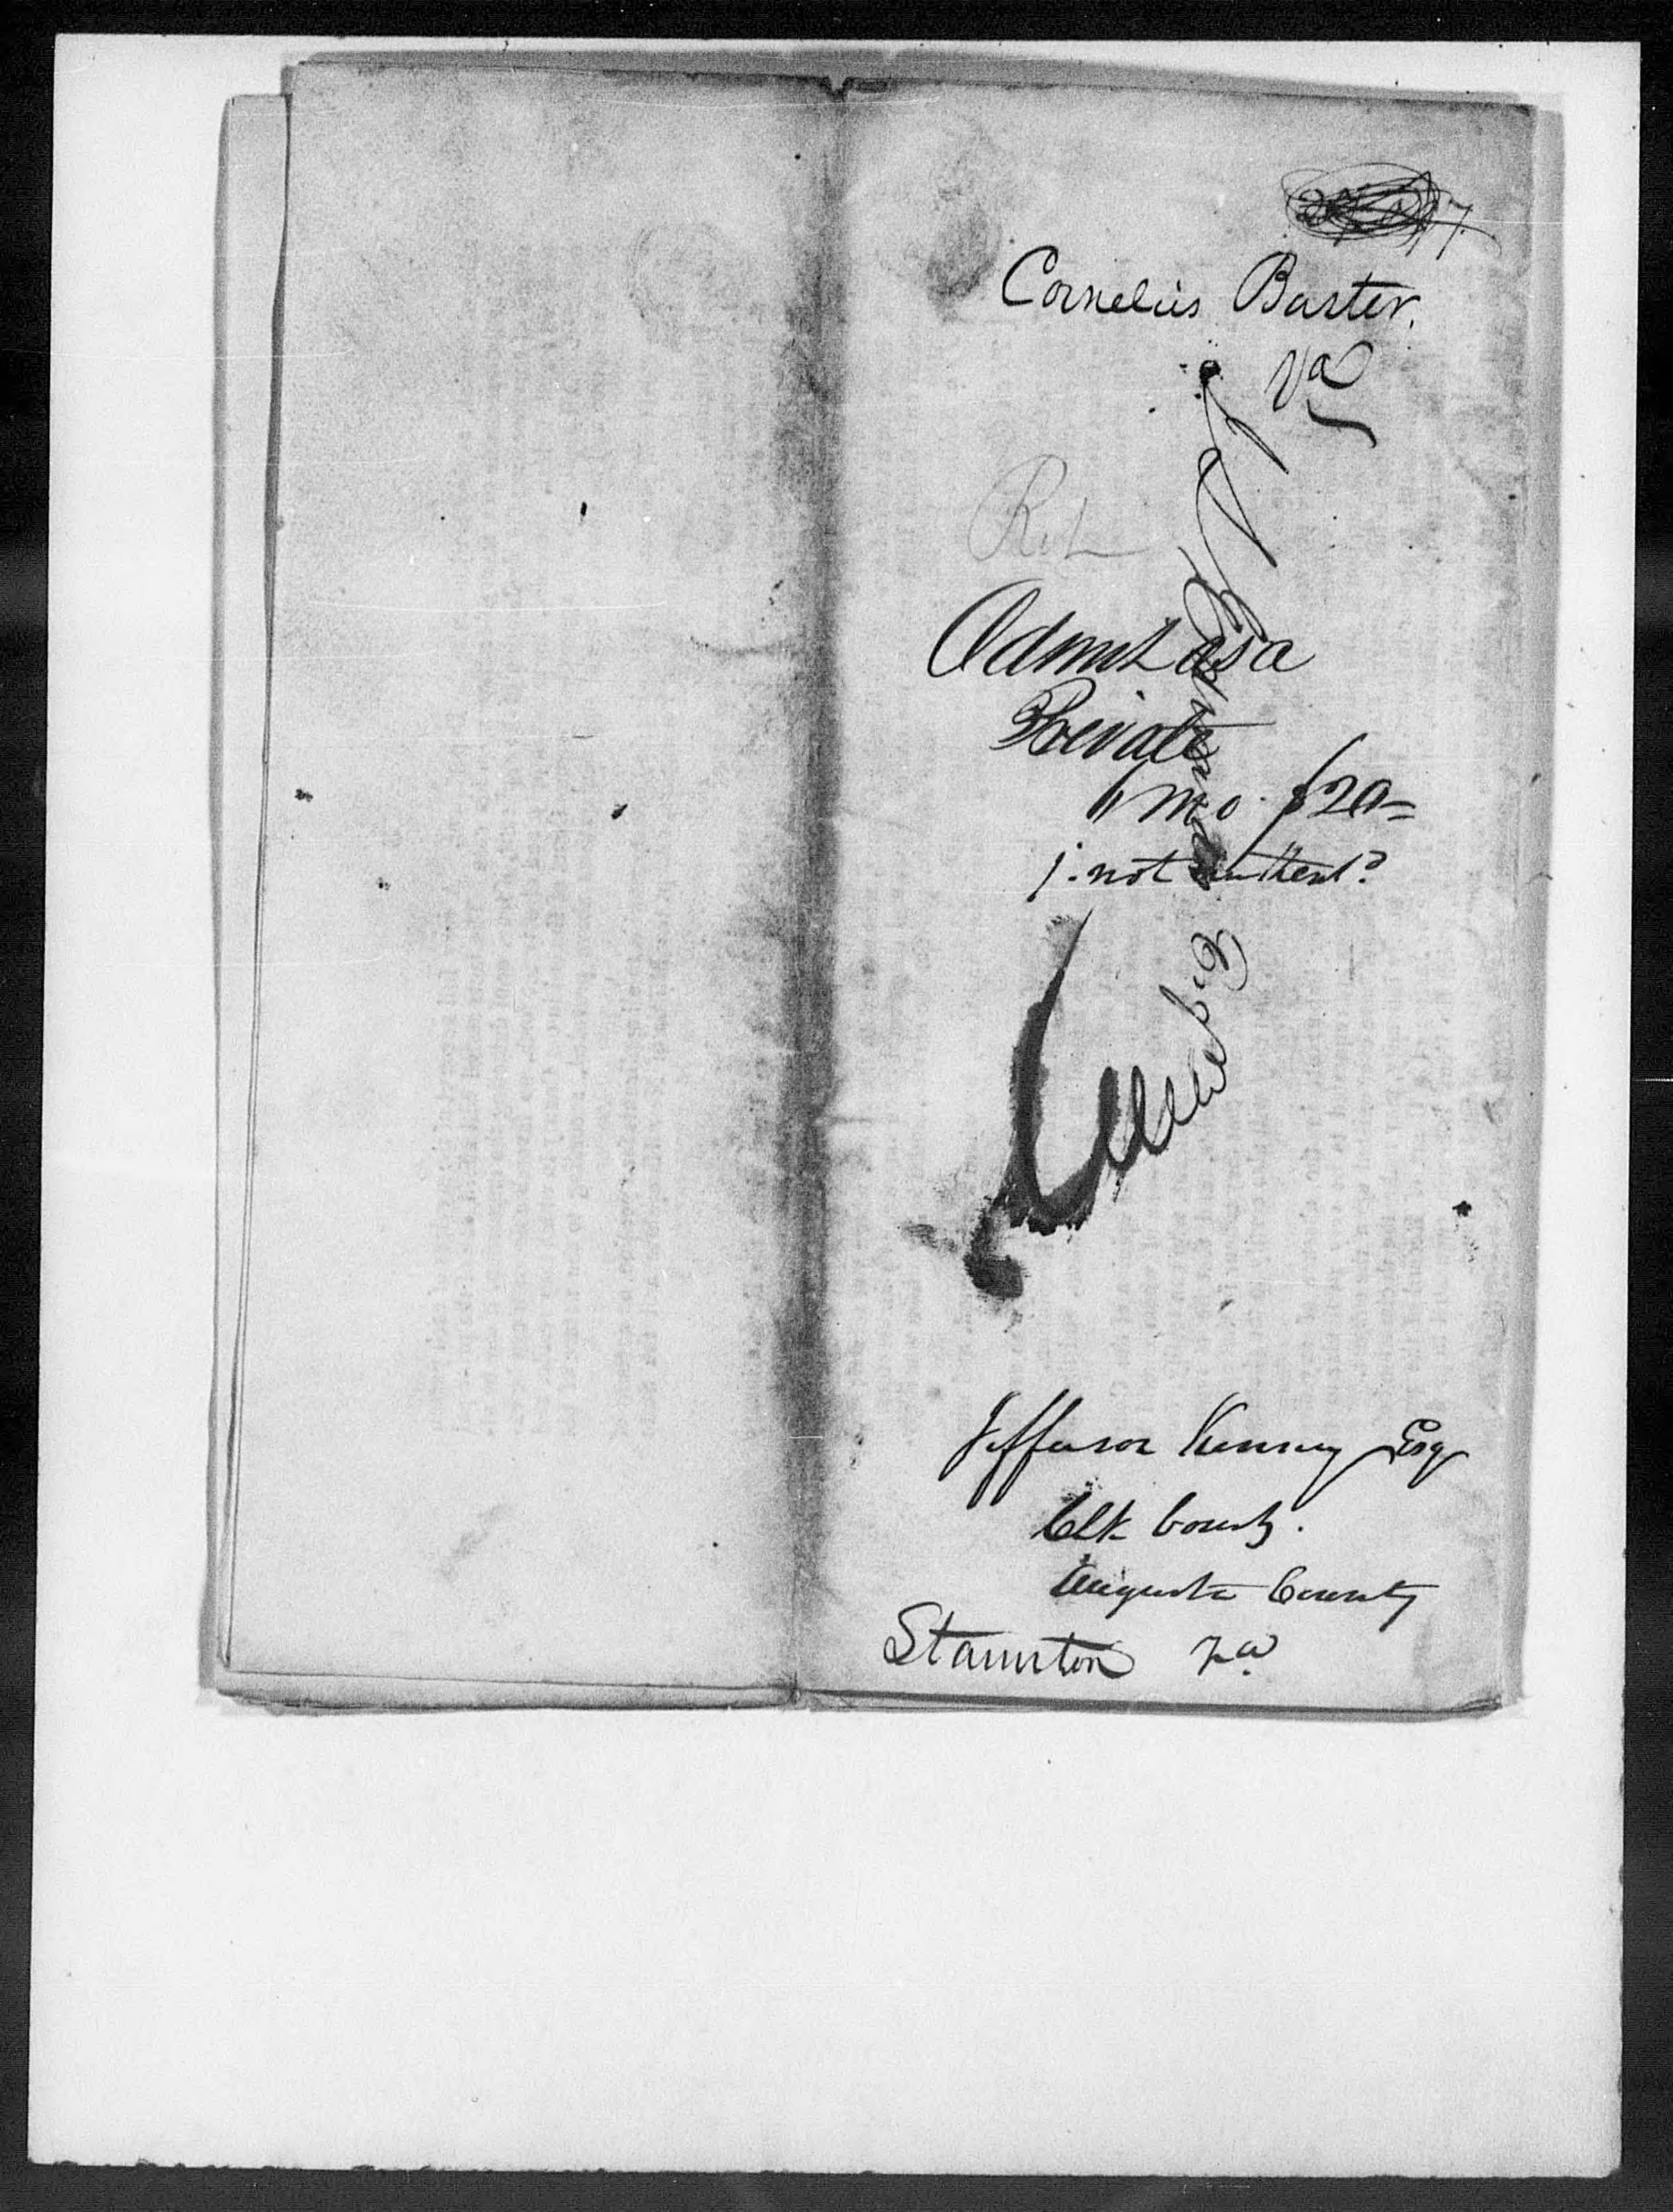Cornelus Buster
Va

R.L

Admit as a 
Private
6 mo $20=
-not [illegible]

Jefferson Kinney Esq
Clk Court
Augusta County
Staunton Va.

J L Edwards Esqr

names: Jefferson Kinney, J L Edwards, Cornelus Buster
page: 15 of 71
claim: widow's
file: W. 25310, Claudius Buster, Va.